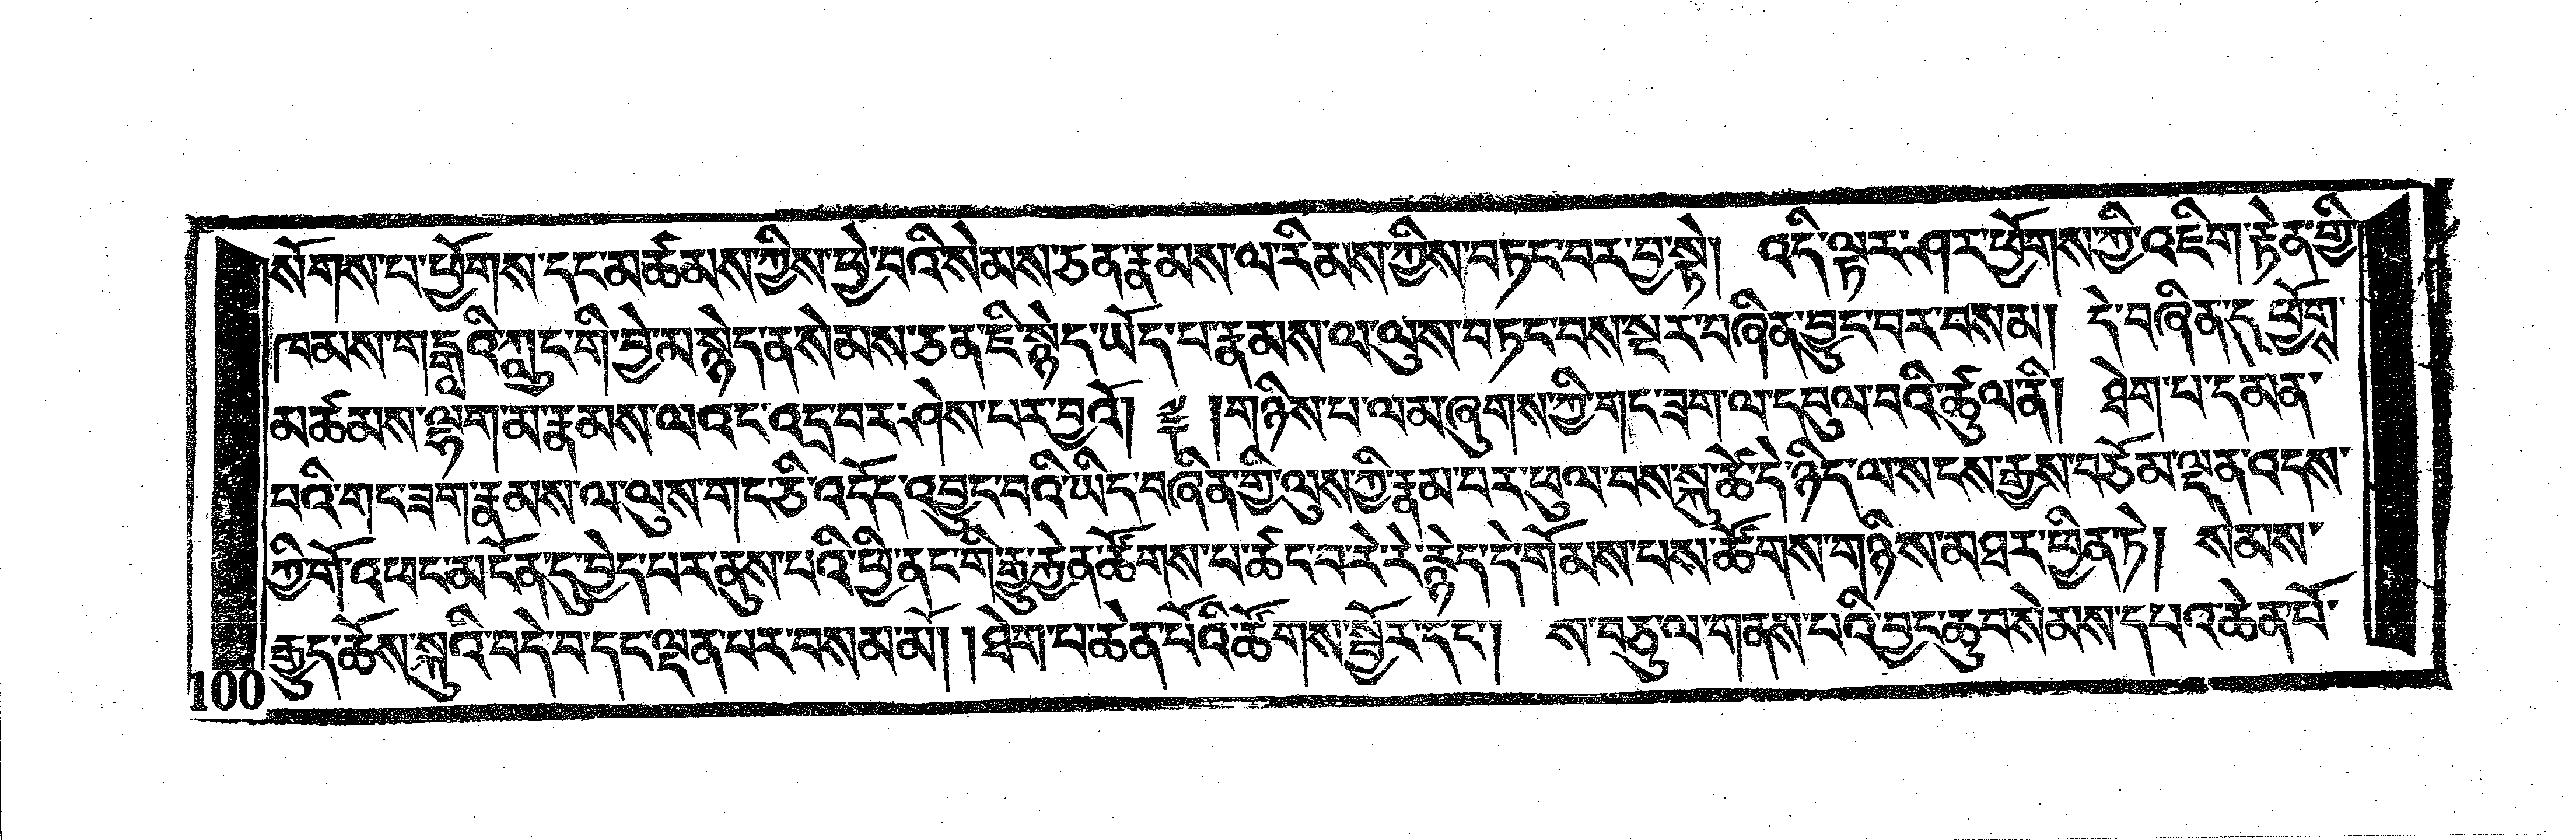སོགས་པ་ཕྱོགས་དང་མཚམས་ཀྱིས་ཕྱེ་བའི་སེམས་ཅན་རྣམས་ལ་རིམས་ཀྱིས་བཏང་བར་བྱ་སྟེ། འདི་ལྟར་ཤར་ཕྱོགས་ཀྱི་འཇིག་རྟེན་གྱི་
ཁམས་གངྒཱའི་ཀླུང་གི་བྱེ་མ་སྙེད་ན་སེམས་ཅན་ཇི་སྙེད་ཡོད་པ་རྣམས་ལ་ལུས་བཏང་བས་སྔར་བཞིན་བྱུང་བར་བསམ། དེ་བཞིན་དུ་ཕྱོགས་
མཚམས་ལྷག་མ་རྣམས་ལའང་འདྲ་བར་ཤེས་པར་བྱའོ། ༈ །གཉིས་པ་ལམ་ཞུགས་ཀྱི་གང་ཟག་ལ་དབུལ་བའི་ཚུལ་ནི། ཐེག་པ་དམན་
པའི་གང་ཟག་རྣམས་ལ་ལུས་གང་ཅི་འདོད་འབྱུང་བའི་ཡིད་བཞིན་གྱི་ལུས་ཀྱི་རྣམ་པར་ཕུལ་བས་སྐུ་ཚེ་དེ་ཉིད་ལ་སངས་རྒྱས་བཅོམ་ལྡན་འདས་
ཀྱི་གོ་འཕང་མངོན་དུ་བྱེད་པར་ནུས་པའི་ཕྱི་ནང་གི་རྒྱུ་རྐྱེན་ཚོགས་པ་ཚང་བ་རེ་རེ་རྙེད་དེ་གོམས་པས་ཚོགས་གཉིས་མཐར་ཕྱིན་ཏེ། སེམས་
རྒྱུད་ཆོས་སྐུའི་བདེ་བ་དང་ལྡན་པར་བསམ་མོ། །ཐེག་པ་ཆེན་པོའི་ཚོགས་སྦྱོར་དང་། ས་བཅུ་ལ་གནས་པའི་བྱང་ཆུབ་སེམས་དཔའ་ཆེན་པོ་